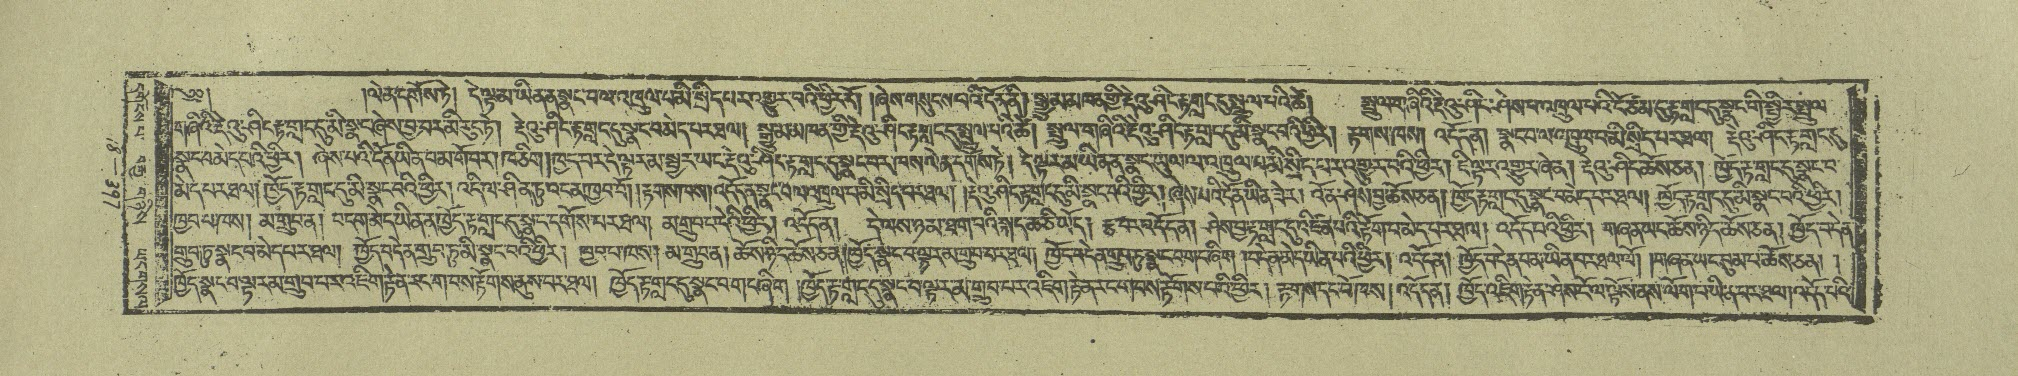༄༅། །ལེན་དགོས་ཏེ། དེ་ལྟ་མ་ཡིན་ན་སྣང་བ་ལ་འཁྲུལ་བ་མི་སྲིད་པར་འགྱུར་པའི་ཕྱིར་རོ། །ཞེས་གསུངས་པའི་དོན་ནི། སྒྱུ་མ་མཁན་གྱི་རྡེའུ་ཤིང་རྟ་གླང་དུ་སྤྲུལ་པའི་ཚེ། སྤྲུལ་གཞིའི་རྡེའུ་ཤིང་ཤེས་པ་འཁྲུལ་བའི་ངོ་ཙམ་དུ་རྟ་གླང་དུ་སྣང་གི་སྤྱིར་སྤྲུལ་
གཞིའི་རྡེའུ་ཤིང་རྟ་གླང་དུ་མི་སྣང་ཞེས་བྱ་བར་མི་རུང་ཏེ། རྡེའུ་ཤིང་རྟ་གླང་དུ་སྣང་བ་མེད་པར་ཐལ། སྒྱུ་མ་མཁན་གྱི་རྡེའུ་ཤིང་རྟ་གླང་དུ་སྤྲུལ་པའི་ཚེ། སྤྲུལ་གཞིའི་རྡེའུ་ཤིང་རྟ་གླང་དུ་མི་སྣང་བའི་ཕྱིར། རྟགས་ཁས། འདོད་ན། སྣང་བ་ལ་འཁལ་པ་མི་སྲིད་པར་ཐལ། རྡེའུ་ཤིང་རྟ་གླང་དུ་
སྣང་བ་མེད་པའི་ཕྱིར། ཞེས་པའི་དོན་ཡིན་པ་མ་གོ་བར། ཁ་ཅིག །ཁྱད་པར་དེ་ལྟར་མ་སྦྱར་ཡང་རྡེའུ་ཤིང་རྟ་གླང་དུ་སྣང་བར་ཁས་ལེན་དགོས་ཏེ། དེ་ལྟར་མ་ཡིན་ན་སྣང་ཡུལ་ལ་འཁྲུལ་པ་མི་སྲིད་པར་འགྱུར་བའི་ཕྱིར། ཇི་ལྟར་འགྱུར་ཞེ་ན། རྡེའུ་ཤིང་ཆོས་ཅན། ཁྱོད་རྟ་གླང་དུ་སྣང་བ་
མེད་པར་ཐལ། ཁྱོད་རྟ་གླང་དུ་མི་སྣང་བའི་ཕྱིར། འདི་ལ་ཤིན་ཏུ་འང་མ་ཁྱབ་བོ། །རྟགས་ཁས། འདོད་ན་སྣང་བ་ལ་འཁྲུལ་པ་མི་སྲིད་པར་ཐལ། །རྡེའུ་ཤིང་རྟ་གླང་དུ་མི་སྣང་བའི་ཕྱིར། ཞེས་པའི་དོན་ཡིན་ཟེར། འོན་ཤེས་བྱ་ཆོས་ཅན། ཁྱོད་རྟ་གླང་དུ་སྣང་བ་མེད་པར་ཐལ། ཁྱོད་རྟ་གླང་དུ་མི་སྣང་བའི་ཕྱིར།
ཁྱབ་པ་ཁས། མ་གྲུབ་ན། བདག་མེད་ཡིན་ན་ཁྱོད་རྟ་གླང་དུ་སྣང་དགོས་པར་ཐལ། མ་གྲུབ་པ་དེའི་ཕྱིར། འདོད་ན། དེ་ལས་ཉམ་ཐག་པའི་སྐད་ཆ་ཅི་ཡོད། རྩ་བར་འདོད་ན། ཤེས་བྱ་རྟ་གླང་དུ་འཛིན་པའི་རྟོག་པ་མེད་པར་ཐལ། འདོད་པའི་ཕྱིར། གཞན་ཡང་ཆོས་ཉིད་ཆོས་ཅན། ཁྱོད་བདེན་
གྲུབ་ཏུ་སྣང་བ་མེད་པར་ཐལ། ཁྱོད་བདེན་གྲུབ་ཏུ་མི་སྣང་བའི་ཕྱིར། ཁྱབ་པ་ཁས། མ་གྲུབ་ན། ཆོས་ཉིད་ཆོས་ཅན། ཁྱོད་སྣང་བ་ལྟར་མ་གྲུབ་པར་ཐལ། ཁྱོད་བདེན་གྲུབ་ཏུ་སྣང་བ་གང་ཞིག །བདེན་མེད་ཡིན་པའི་ཕྱིར། འདོད་ན། ཁྱོད་བདེན་པ་མ་ཡིན་པར་ཐལ་ལོ། །གཞན་ཡང་བུམ་པ་ཆོས་ཅན། །
ཁྱོད་སྣང་བ་ལྟར་མ་གྲུབ་པར་འཇིག་རྟེན་རང་ག་བས་རྟོགས་ནུས་པར་ཐལ། ཁྱོད་རྟ་གླང་དུ་སྣང་བ་གང་ཞིག་ཁྱོད་རྟ་གླང་དུ་སྣང་བ་ལྟར་མ་གྲུབ་པར་འཇིག་རྟེན་རང་ག་བས་རྟོགས་པའི་ཕྱིར། རྟགས་དང་པོ་ཁས། འདོད་ན། ཁྱོད་འཇིག་རྟེན་ཤེས་ངོ་ལ་ལྟོས་ནས་ལོག་པ་ཡིན་པར་ཐལ། འདོད་པའི་